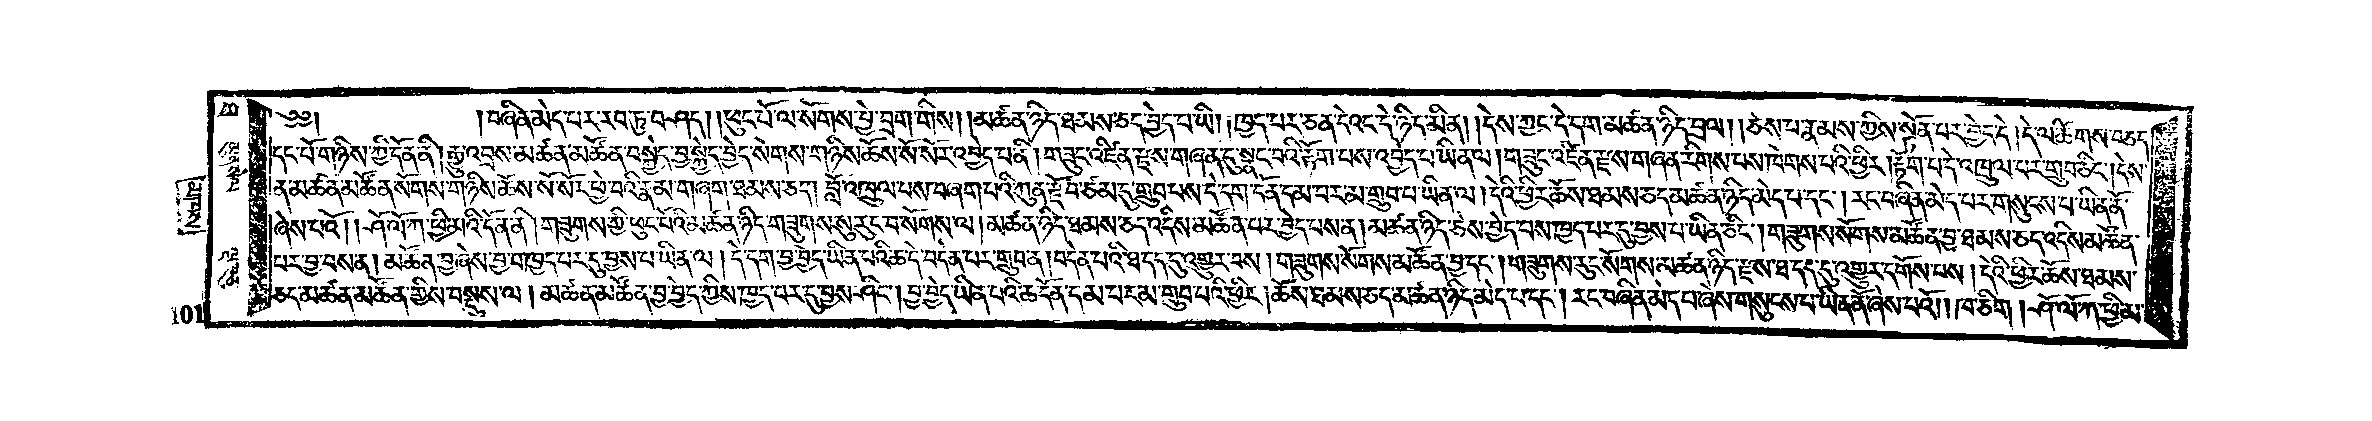༄༅། །བཞིན་མེད་པར་རབ་ཏུ་བཤད། །ཕུང་པོ་ལ་སོགས་བྱེ་བྲག་གིས། །མཚན་ཉིད་ཐམས་ཅད་བྱེད་པ་ཡི། །ཁྱད་པར་ཅན་དེའང་དེ་ཉིད་མིན། །དེས་ཀྱང་དེ་དག་མཚན་ཉིད་བྲལ། །ཅེས་པ་རྣམས་ཀྱིས་སྟོན་པར་བྱེད་དེ། དེ་ལ་ཚིགས་བཅད་
དང་པོ་གཉིས་ཀྱི་དོན་ནི། རྒྱུ་འབྲས་མཚན་མཚོན་བསྐྱེད་བྱ་སྐྱེད་བྱེད་སོགས་གཉིས་ཆོས་སོ་སོར་འབྱེད་པ་ནི། གཟུང་འཛིན་རྫས་གཞན་དུ་སྣང་བའི་རྟོག་པས་འབྱེད་པ་ཡིན་ལ། གཟུང་འཛིན་རྫས་གཞན་རིགས་པས་ཁེགས་པའི་ཕྱིར། རྟོག་པ་དེ་འཁྲུལ་པར་གྲུབ་ཅིང་། དེས་
ན་མཚན་མཚོན་སོགས་གཉིས་ཆོས་སོ་སོར་ཕྱེ་བའི་རྣམ་གཞག་ཐམས་ཅད། བློ་འཁྲུལ་པས་བཞག་པའི་ཀུན་རྫོབ་ཙམ་དུ་གྲུབ་པས་དེ་དག་དོན་དམ་པར་མ་གྲུབ་པ་ཡིན་ལ། དེའི་ཕྱིར་ཆོས་ཐམས་ཅད་མཚན་ཉིད་མེད་པ་དང་། རང་བཞིན་མེད་པར་གསུངས་པ་ཡིན་ནོ་
ཞེས་པའོ། །ཤོ་ལོ་ཀ་ཕྱི་མའི་དོན་ནི། གཟུགས་ཀྱི་ཕུང་པོའི་མཚན་ཉིད་གཟུགས་སུ་རུང་བ་སོགས་ལ། མཚན་ཉིད་ཐམས་ཅད་འདིས་མཚོན་པར་བྱེད་པས་ན། མཚན་ཉིད་ཅེས་བྱེད་པས་ཁྱད་པར་དུ་བྱས་པ་ཡིན་ཅིང་། གཟུགས་སོགས་མཚོན་བྱ་ཐམས་ཅད་འདིས་མཚོན་
པར་བྱ་བས་ན། མཚོན་བྱ་ཞེས་བྱ་བ་ཁྱད་པར་དུ་བྱས་པ་ཡིན་ལ། དེ་དག་བྱ་བྱེད་ཡིན་པའི་ཆ་དེ་བདེན་པར་གྲུབ་ན། བདེན་པའི་ཐ་དད་དུ་འགྱུར་བས། གཟུགས་སོགས་མཚོན་བྱ་དང་། གཟུགས་རུང་སོགས་མཚན་ཉིད་རྫས་ཐ་དད་དུ་འགྱུར་དགོས་པས། དེའི་ཕྱིར་ཆོས་ཐམས་
ཅད་མཚན་མཚོན་གྱིས་བསྡུས་ལ། མཚན་མཚོན་བྱ་བྱེད་ཀྱིས་ཁྱད་པར་དུ་བྱས་ཤིང་། བྱ་བྱེད་ཡིན་པའི་ཆ་དོན་དམ་པར་མ་གྲུབ་པའི་ཕྱིར། ཆོས་ཐམས་ཅད་མཚན་ཉིད་མེད་པ་དང་། རང་བཞིན་མེད་པ་ཞེས་གསུངས་པ་ཡིན་ནོ་ཞེས་པའོ། །ཁ་ཅིག །ཤོ་ལོ་ཀ་ཕྱི་མ་